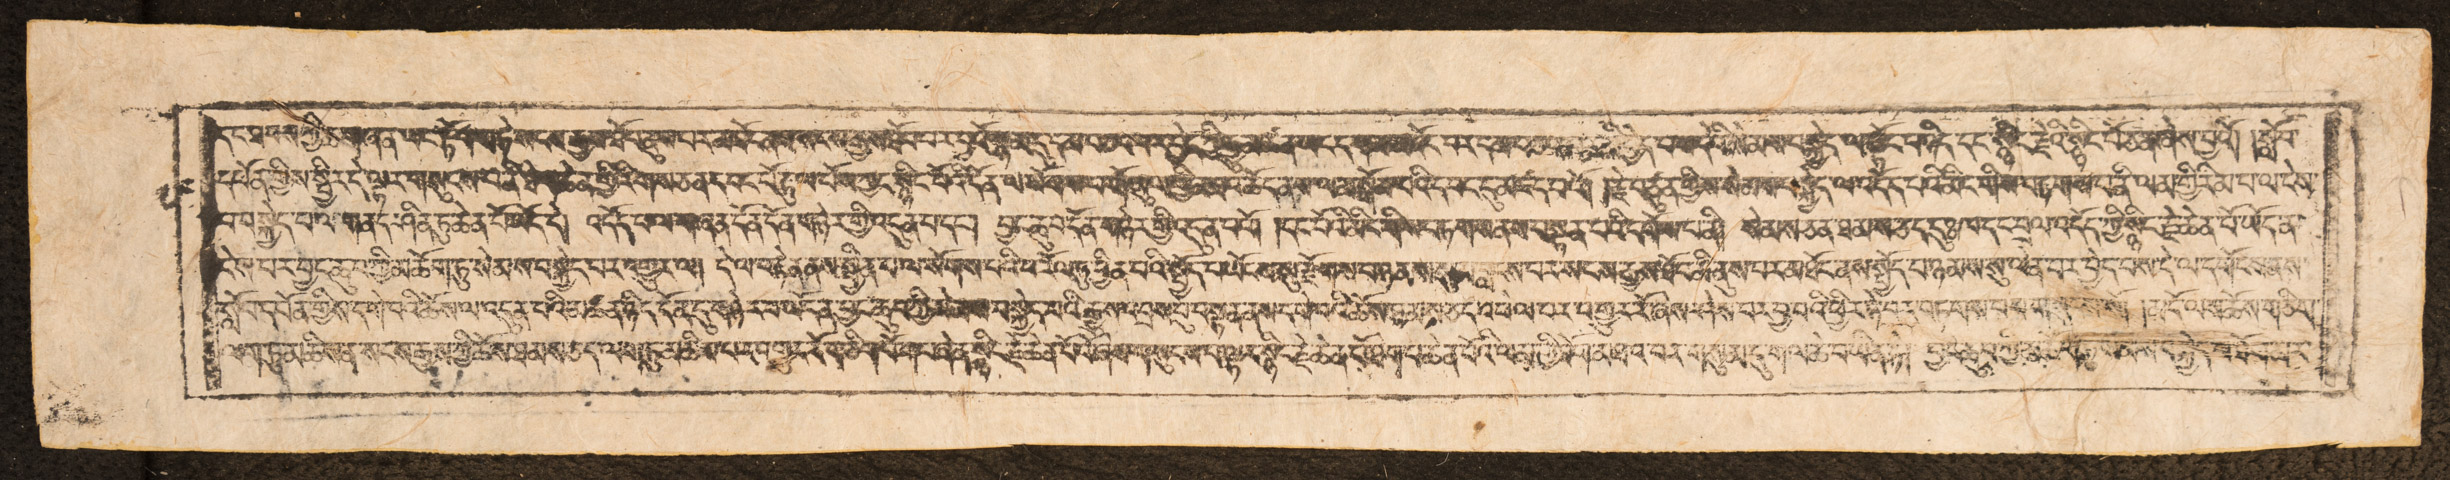དང་ཐབས་ཀྱི་ཆ་གཞན་ཡང་རྟོགས་ཏེ་སངས་རྒྱས་ཐོབ་ནུས་པར་མཐོང་ནས་སངས་རྒྱས་ཐོབ་པར་བྱའོ་སྙམ་དུ་དམ་བཅའ་བར་བྱེད་ཀྱི་རྒྱུ་མཚན་ཡང་དག་མ་མཐོང་བར་དམ་བཅའ་བར་མི་བྱེད་པས་དེའི་སེམས་བསྐྱེད་ལ་སྟོང་པ་ཉིད་དང་སྙིང་རྗེའི་སྙིང་པོ་ཅན་ཞེས་བྱའོ། །སློབ་
དཔོན་གྱིས་སྤྱིར་དེ་ལྟར་གསུངས་པ་ནི་ཐེག་ཆེན་གྱི་རིགས་ཅན་དབང་པོ་རྟུལ་པོས་ཀྱང་སྙིང་པོའི་དོན་ལ་སོགས་པ་གོ་ཡུལ་གྱི་མཐའ་ཆོད་ནས་ལམ་སྒོམ་པའི་དབང་དུ་མཛད་པའོ། །རྗེ་བཙུན་གྱིས་སེམས་བསྐྱེད་ལ་འདོད་པའི་མིང་གིས་བཏགས་པ་ནི་ལམ་གྱི་རིམ་པ་ལ་ངེས་
པ་བསྐྱེད་པ་ལ་གནད་ཤིན་ཏུ་ཆེན་པོ་ཡོད་དེ། འདོད་པ་ལ་གཞན་དོན་དོན་གཉེར་གྱི་འདུན་པ་དང་། བྱང་ཆུབ་དོན་གཉེར་གྱི་འདུན་པའོ། །དང་པོའི་མིང་གིས་བཏགས་ནས་བསྟན་པའི་དགོས་པ་ནི། སེམས་ཅན་ཐམས་ཅད་དུཿ ཁ་དང་བྲལ་འདོད་ཀྱི་སྙིང་རྗེ་ཆེན་པོ་ཡོད་ན་
ངེས་པར་བྱང་ཆུབ་ཀྱི་མཆོག་ཏུ་སེམས་བསྐྱེད་པར་འགྱུར་ལ། དེ་ལ་བརྟེན་ནས་སྦྱིན་པ་ལ་སོགས་པའི་ཕ་རོལ་ཏུ་ཕྱིན་པའི་སྤྱོད་པ་ཡོངས་སུ་རྫོགས་པ་ཉམས་སུ་མ་བླངས་བར་སངས་རྒྱས་ཐོབ་མི་ནུས་པར་མཐོང་ནས་སྤྱོད་པ་ཉམས་སུ་ལེན་པར་བྱེད་པས་དེ་ལ་དགོངས་ནས་
སློབ་དཔོན་གྱིས་དགེ་བའི་ཆོས་ལ་འདུན་པའི་མཚན་ཉིད་དོན་དུ་གཉེར་བ་ཡོད་ན་བྱང་ཆུབ་ཀྱི་སེམས་བསྐྱེད་པའི་རྒྱུས་འབྲས་བུ་བསྟན་ནས་དགེ་བའི་ཆོས་ཐམས་ཅད་འཕེལ་བར་འགྱུར་རོ་ཞེས་ཤེས་པར་བྱ་བའི་ཕྱིར་ཉེ་བར་བཏགས་པས་གསུངས་སོ། །མདོ་ལས་ཆོས་གཅིག་
ལག་ཏུ་མཆིས་ན་སངས་རྒྱས་ཀྱི་ཆོས་ཐམས་ཅད་ལག་ཏུ་མཆིས་པར་འགྱུར་རོ་གཅིག་པོ་གང་ཞེ་ན་སྙིང་རྗེ་ཆེན་པོའི་ཞེས་གསུངས་པ་ལྟར་སྙིང་རྗེ་ཆེན་པོ་ཐེག་པ་ཆེན་པོའི་ལམ་གྱི་ཐོག་མཐའ་བར་གསུམ་དུ་གལ་ཆེ་བ་ཡིན་ཏེ། བྱང་ཆུབ་ཀྱི་མཆོག་ཏུ་སེམས་བསྐྱེད་པ་ཐོག་མར་